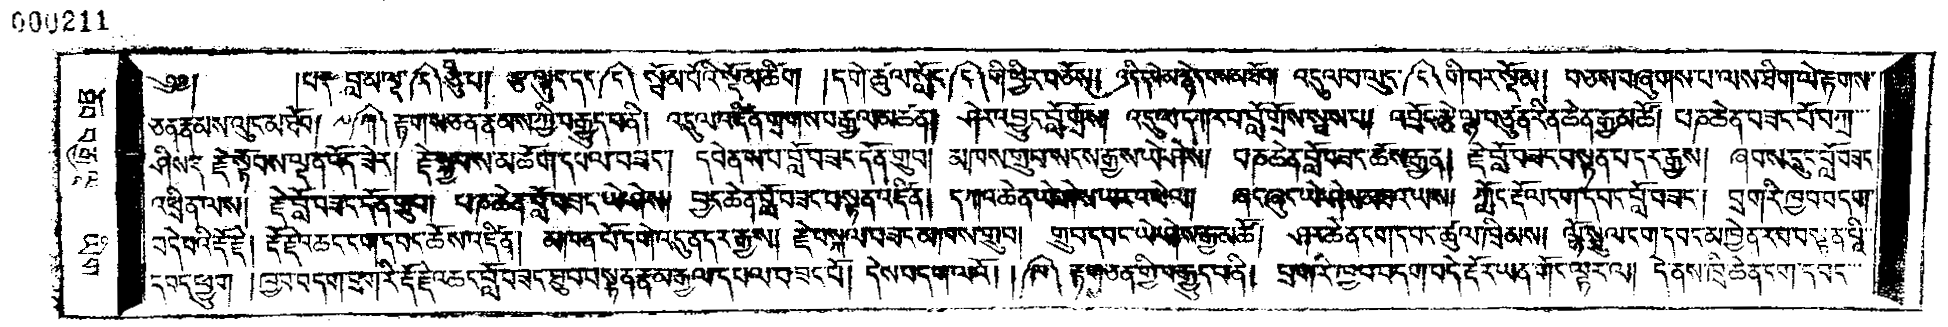༄༅། །པ༑ བླ་མ་ལྔ ༼ད༽ བཅུ་པ། རྩ་ལྟུང་དང་། ༼ང༽ སྦོམ་པོའི་སྡོམ་ཚིག །དགེ་ཚུལ་སློང ༼ང༽ གི་ཕྱིར་བཅོས་འདི་དཔེ་མ་རྙེད་པས་མ་ཐོབ།  འདུལ་བ་ལུང་། ༼ང༽ གི་བར་སྡོམ། བཅས་བཞུགས་པ་ལས་ཐིག་ལེ་རྟགས་
ཅན་རྣམས་ལུང་མ་ཐོབ། ༧༼ཀ༽ རྟགས་ཅན་རྣམས་ཀྱི་བརྒྱུད་པ་ནི། འདུལ་འཛིན་གྲགས་པ་རྒྱལ་མཚན། ཤེར་འབྱུང་བློ་གྲོས། འདུལ་དཀར་བ་བློ་གྲོས་སྦས་པ། འབྲོང་རྩེ་ལྷ་བཙུན་རིན་ཆེན་རྒྱ་མཚོ། པཎ་ཆེན་བཟང་པོ་བཀྲ་
ཤིས༑ རྗེ་སྟོབས་ལྡན་འོད་ཟེར། རྗེ་སྐྱབས་མཆོག་དཔལ་བཟང་། དབེན་ས་པ་བློ་བཟང་དོན་གྲུབ། མཁས་གྲུབ་སངས་རྒྱས་ཡེ་ཤེས། པཎ་ཆེན་བློ་བཟང་ཆོས་རྒྱན། རྗེ་བློ་བཟང་བསྟན་པ་དར་རྒྱས། ཞབས་དྲུང་བློ་བཟང་
འཕྲིན་ལས། རྗེ་བློ་བཟང་དོན་གྲུབ། པཎ་ཆེན་བློ་བཟང་ཡེ་ཤེས། བྱང་ཆེན་བློ་བཟང་བསྟན་འཛིན། དཀའ་ཆེན་ཡེ་ཤེས་ཡར་འཕེལ། ཞང་ཞུང་ཡེ་ཤེས་མཐའ་ཡས། ཀློང་རྡོལ་ངག་དབང་བློ་བཟང་། བྲག་རི་ཁྱབ་བདག་
བདེ་བའི་རྡོ་རྗེ། རྡོ་རྗེ་འཆང་ངག་དབང་ཆོས་འཛིན། མཁན་པོ་དགེ་འདུན་དར་རྒྱས། རྗེ་བསྐལ་བཟང་མཁས་གྲུབ། གྲུབ་དབང་ཡེ་ཤེས་རྒྱ་མཚོ། ཤར་ཆེན་ངག་དབང་ཚུལ་ཁྲིམས། ལྷོ་སྤྲུལ་ངག་དབང་མཁྱེན་རབ་བསྟན་པཱི་
དབང་ཕྱུག །ཁྱབ་བདག་བྲག་རི་རྡོ་རྗེ་འཆང་བློ་བཟང་ཐུབ་བསྟན་རྣམ་རྒྱལ་དཔལ་བཟང་པོ། དེས་བདག་ལའོ། །༼ཁ༽ རྟགས་ཅན་གྱི་བརྒྱུད་པ་ནི། བྲག་རི་ཁྱབ་བདག་བདེ་རྡོར་ཡན་གོང་ལྟར་ལ། དེ་ནས་ཁྲི་ཆེན་ངག་དབང་